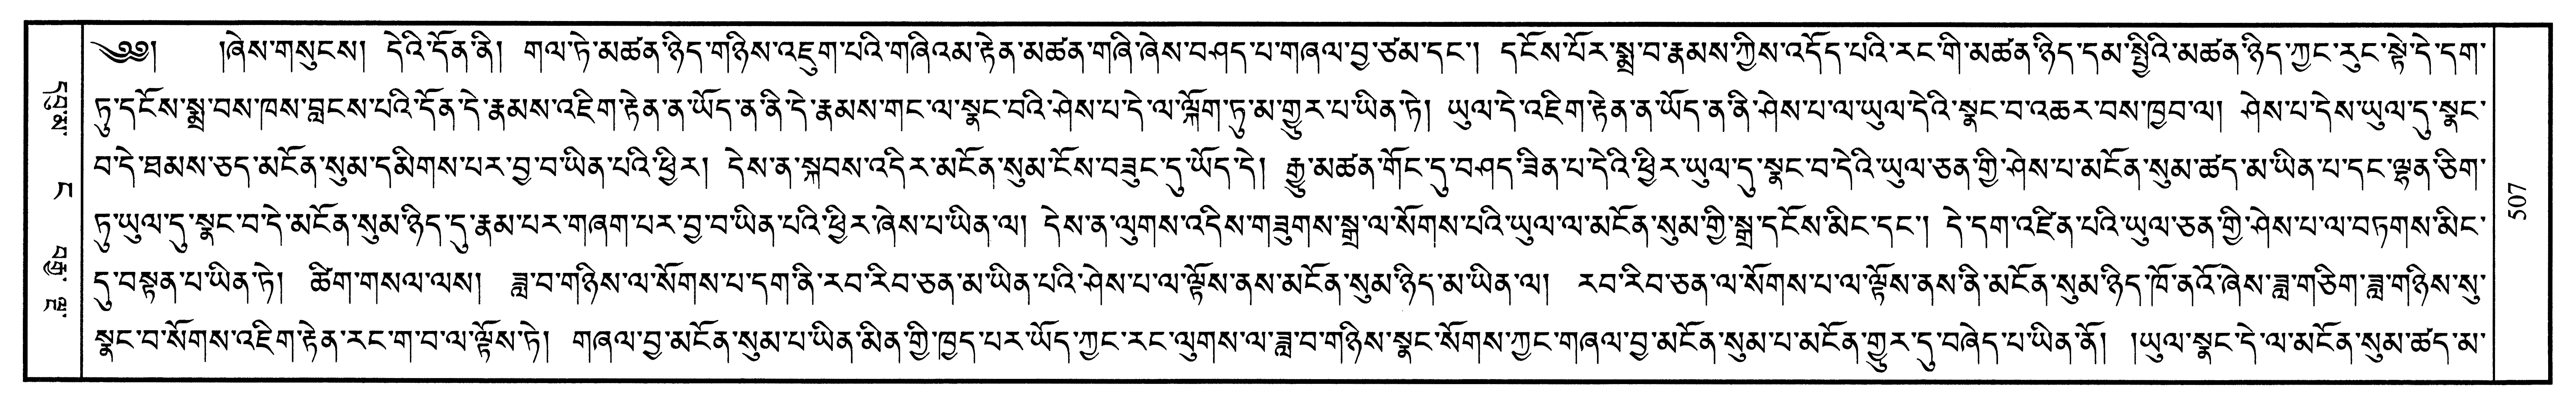༄༅། །ཞེས་གསུངས། དེའི་དོན་ནི། གལ་ཏེ་མཚན་ཉིད་གཉིས་འཇུག་པའི་གཞིའམ་རྟེན་མཚན་གཞི་ཞེས་བཤད་པ་གཞལ་བྱ་ཙམ་དང་། དངོས་པོར་སྨྲ་བ་རྣམས་ཀྱིས་འདོད་པའི་རང་གི་མཚན་ཉིད་དམ་སྤྱིའི་མཚན་ཉིད་ཀྱང་རུང་སྟེ་དེ་དག་
ཏུ་དངོས་སྨྲ་བས་ཁས་བླངས་པའི་དོན་དེ་རྣམས་འཇིག་རྟེན་ན་ཡོད་ན་ནི་དེ་རྣམས་གང་ལས་སྣང་བའི་ཤེས་པ་དེ་ལ་ལྐོག་ཏུ་མ་གྱུར་པ་ཡིན་ཏེ། ཡུལ་དེ་འཇིག་རྟེན་ན་ཡོད་ན་ནི་ཤེས་པ་ལ་ཡུལ་དེའི་སྣང་བ་འཆར་བས་ཁྱབ་ལས། ཤེས་པ་དེས་ཡུལ་དུ་སྣང་
བ་དེ་ཐམས་ཅད་མངོན་སུམ་དམིགས་པར་བྱ་བ་ཡིན་པའི་ཕྱིར། དེས་ན་སྐབས་འདིར་མངོན་སུམ་ངོས་བཟུང་དུ་ཡོད་དེ། རྒྱུ་མཚན་གོང་དུ་བཤད་ཟིན་པ་དེའི་ཕྱིར་ཡུལ་དུ་སྣང་བ་དེའི་ཡུལ་ཅན་གྱི་ཤེས་པ་མངོན་སུམ་ཚད་མ་ཡིན་པ་དང་ལྷན་ཅིག་
ཏུ་ཡུལ་དུ་སྣང་བ་དེ་མངོན་སུམ་ཉིད་དུ་རྣམ་པར་གཞག་པར་བྱ་བ་ཡིན་པའི་ཕྱིར་ཞེས་པ་ཡིན་ལ། དེས་ན་ལུགས་འདིས་གཟུགས་སྒྲ་ལ་སོགས་པའི་ཡུལ་ལ་མངོན་སུམ་གྱི་སྒྲ་དངོས་མིང་དང་། དེ་དག་འཛིན་པའི་ཡུལ་ཅན་གྱི་ཤེས་པ་ལ་བཏགས་མིང་
དུ་བསྟན་པ་ཡིན་ཏེ། ཚིག་གསལ་ལས། ཟླ་བ་གཉིས་ལ་སོགས་པ་དག་ནི་རབ་རིབ་ཅན་མ་ཡིན་པའི་ཤེས་པ་ལ་ལྟོས་ནས་མངོན་སུམ་ཉིད་མ་ཡིན་ལ། རབ་རིབ་ཅན་ལ་སོགས་པ་ལ་ལྟོས་ནས་ནི་མངོན་སུམ་ཉིད་ཁོ་ནའོ་ཞེས་ཟླ་གཅིག་ཟླ་གཉིས་སུ་
སྣང་བ་སོགས་འཇིག་རྟེན་རང་ག་བ་ལ་ལྟོས་ཏེ། གཞལ་བྱ་མངོན་སུམ་པ་ཡིན་མིན་གྱི་ཁྱད་པར་ཡོད་ཀྱང་རང་ལུགས་ལ་ཟླ་བ་གཉིས་སྣང་སོགས་ཀྱང་གཞལ་བྱ་མངོན་སུམ་པ་མངོན་གྱུར་དུ་བཞེད་པ་ཡིན་ནོ། །ཡུལ་སྣང་དེ་ལ་མངོན་སུམ་ཚད་མ་